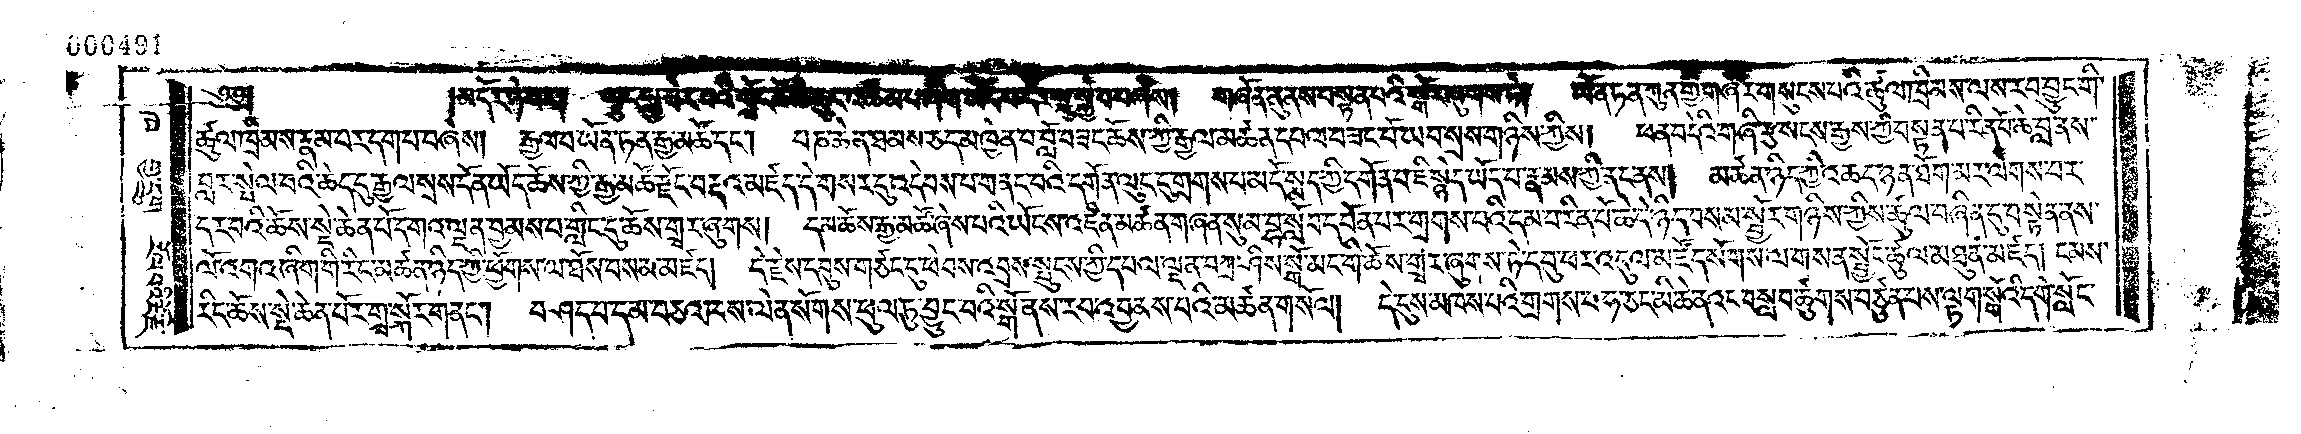༄༅། །མདོར་ཉེ་བར། ལྕང་སྐྱ་ཟེར་བའི་གྲོང་ཚེ་ཆེ་ཆུང་འཚམ་པ་ཞིག་ཡོད་པ་དེར་སྐུ་སྐྱེ་བ་བཞེས། གཞོན་ནུ་ནས་བསྟན་པའི་སྒོར་ཞུགས་ཏེ། ཡོན་ཏན་ཀུན་གྱི་གཞིར་གསུངས་པའི་ཚུལ་ཁྲིམས་ལས་རབ་བྱུང་གི་
ཚུལ་ཁྲིམས་རྣམ་པར་དག་པ་བཞེས། རྒྱལ་བ་ཡོན་ཏན་རྒྱ་མཚོ་དང་། པཎ་ཆེན་ཐམས་ཅད་མཁྱེན་པ་བློ་བཟང་ཆོས་ཀྱི་རྒྱལ་མཚན་དཔལ་བཟང་པོ་ཡབ་སྲས་གཉིས་ཀྱིས། ཕན་བདེའི་གཞི་རྩ་སངས་རྒྱས་ཀྱི་བསྟན་པ་རིན་པོ་ཆེ་བླ་ནས་
བླར་སྤེལ་བའི་ཆེད་དུ་རྒྱལ་སྲས་དོན་ཡོད་ཆོས་ཀྱི་རྒྱ་མཚོ་རྫོང་བརྡའ་མཛད་དེ་གསར་དུ་འདེབས་པ་གནང་བའི་དགོན་ལུང་དུ་གྲགས་པ་མདོ་སྨད་ཀྱི་དགོན་བ་ཇི་སྙེད་ཡོད་པ་རྣམས་ཀྱི་ནང་ནས། མཚན་ཉིད་ཀྱི་འཆད་ཉན་ཐོག་མར་ལེགས་པར་
དར་བའི་ཆོས་སྡེ་ཆེན་པོ་དགའ་ལྡན་བྱམས་པ་གླིང་དུ་ཆོས་གྲྭར་ཞུགས། དམ་ཆོས་རྒྱ་མཚོ་ཞེས་པའི་ཡོངས་འཛིན་མཚན་གཞན་སུམ་བྷ་སློབ་དཔོན་པར་གྲགས་པའི་དམ་པ་རིན་པོ་ཆེ་དེ་ཉིད་བསམ་སྦྱོར་གཉིས་ཀྱིས་ཚུལ་བཞིན་དུ་བསྟེན་ནས་
ལོ་འགའ་ཞིག་གི་རིང་མཚན་ཉིད་ཀྱི་ཕྱོགས་ལ་ཐོས་བསམ་མཛད། དེ་རྗེས་དབུས་གཙང་དུ་ཕེབས་འབྲས་སྤུངས་ཀྱི་དཔལ་ལྡན་བཀྲ་ཤིས་སྒོ་མང་གི་ཆོས་གྲྭར་ཞུགས་ཏེ་དབུ་ཕར་འདུལ་མཛོད་སོགས་ལ་གསན་སྦྱོང་ཚུལ་མཐུན་མཛད། དམས་
རིང་ཆོས་སྡེ་ཆེན་པོར་གྲྭ་སྐོར་གནང་། བཤད་པ་དམ་བཅའ་ཁས་ལེན་སོགས་ཕུལ་ཏུ་བྱུང་བའི་སྒོ་ནས་རབ་འབྱམས་པའི་མཚན་གསོལ། དེ་དུས་མཁས་པའི་གྲགས་པ་ཧ་ཅང་མི་ཆེ་ནའང་བསླབ་ཚུགས་བཙུན་པས་ལྟག་སྒོའི་དགེ་སློང་